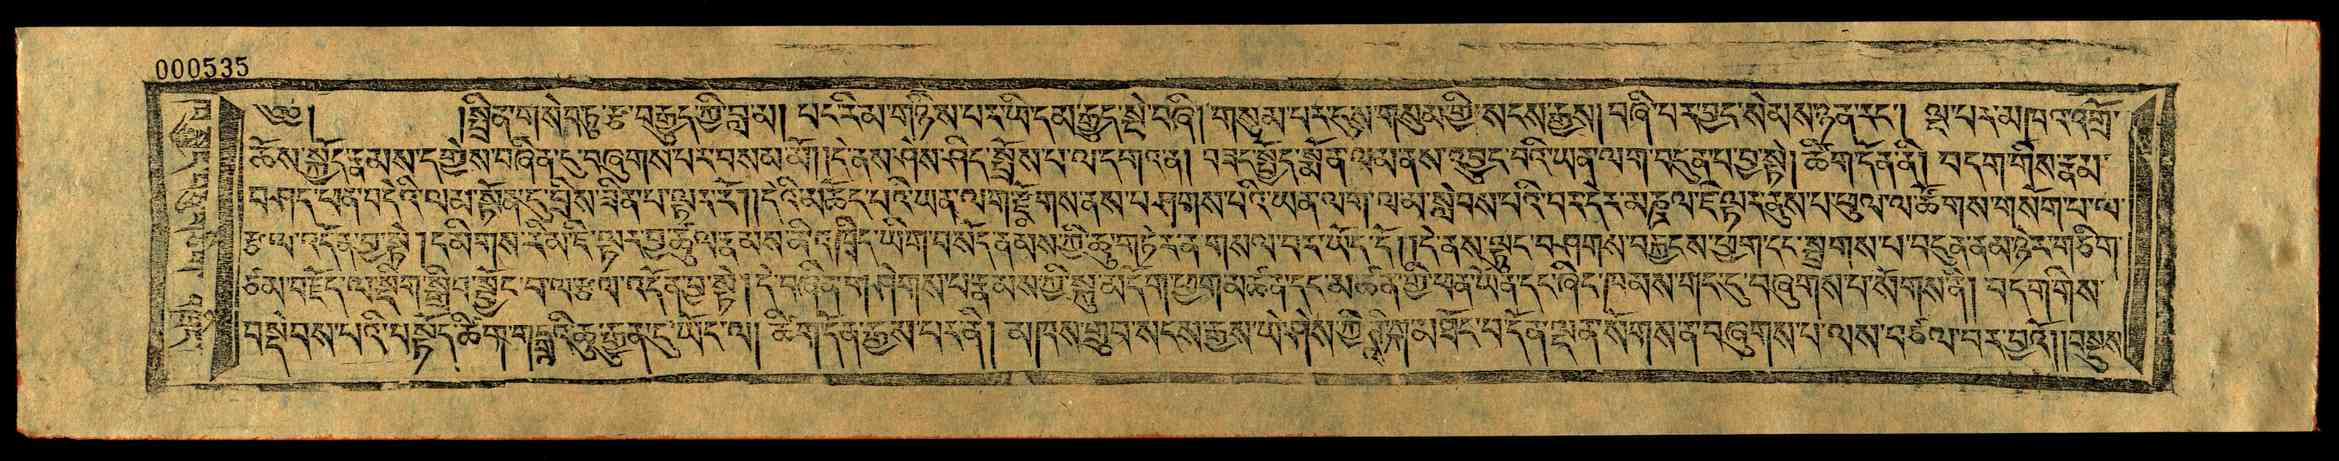༄༅། །སྤྲིན་གསེབ་ཏུ་རྩ་བརྒྱུད་ཀྱི་བླ་མ། པད་རིམ་གཉིས་པར་ཡི་དམ་རྒྱུད་སྔོ་བཞི། གསུམ་པར་དུས་གསུམ་གྱི་སངས་རྒྱས། བཞི་པར་བྱང་སེམས་ཉན་རང་། ལྔ་པར་མཁའ་འགྲོ་
ཆོས་སྐྱོང་རྣམས་དགྱེས་བཞིན་དུ་བཞུགས་པར་བསམ་མོ། །དེ་ནས་ཤེས་ཤིང་སྤྲོས་པ་ལ་དགའ་ན། བཟང་སྤྱོད་སྨོན་ལམ་ནས་འབྱུང་བའི་ཡན་ལག་བདུན་པ་བྱ་སྟེ། ཚིག་དོན་ནི། བདག་གིས་རྣམ་
བཤད་ཕན་བདེའི་ལམ་སྟོན་དུ་བྲིས་ཟིན་པ་ལྟར་རོ། །དེའི་མཆོད་པའི་ཡན་ལག་རྫོགས་ནས་བཤགས་པའི་ཡན་ལག་ལམ་སླེབས་པའི་བར་དེར་མཎྜལ་ཇི་ལྟར་ནུས་པ་ཕུལ་ལ་ཚོགས་གསོག་པ་ལ་
རྩལ་འདོན་བྱ་སྟེ། དམིགས་རིམ་ཇི་ལྟར་བྱ་ཚུལ་རྣམས་ནི་འཁྲིད་ཡིག་བསོད་ནམས་ཀྱི་ཆུ་གཏེར་ན་གསལ་བར་ཡོད་དོ། །དེ་ནས་ལྟུང་བཤགས་བརྐྱངས་ཕྱག་དང་སྦྲགས་པ་བདུན་ནམ་ཉེར་གཅིག་
ཙམ་བརྗོད་ལ་སྡིག་སྒྲིབ་སྦྱོང་བ་ལ་རྩལ་འདོན་བྱ་སྟེ། དེ་བཞིན་གཤེགས་པ་རྣམས་ཀྱི་སྐུ་མདོག་ཕྱག་མཚན་དང་མཚན་གྱི་ཕན་ཡོན་དང་ཞིང་ཁམས་གང་དུ་བཞུགས་པ་སོགས་ནི། བདག་གིས་
བསྡེབས་པའི་བསྟོད་ཚིག་གངྒའི་ཆུ་རྒྱུན་དུ་ཡོད་ལ། ཚིག་དོན་རྒྱས་པར་ནི། མཁས་གྲུབ་སངས་རྒྱས་ཡེ་ཤེས་ཀྱི་ཊཱིཀྐ་མཐོང་བ་དོན་ལྡན་སོགས་ན་བཞུགས་པ་ལས་བཙལ་བར་བྱ་ལ། བསྡུས་